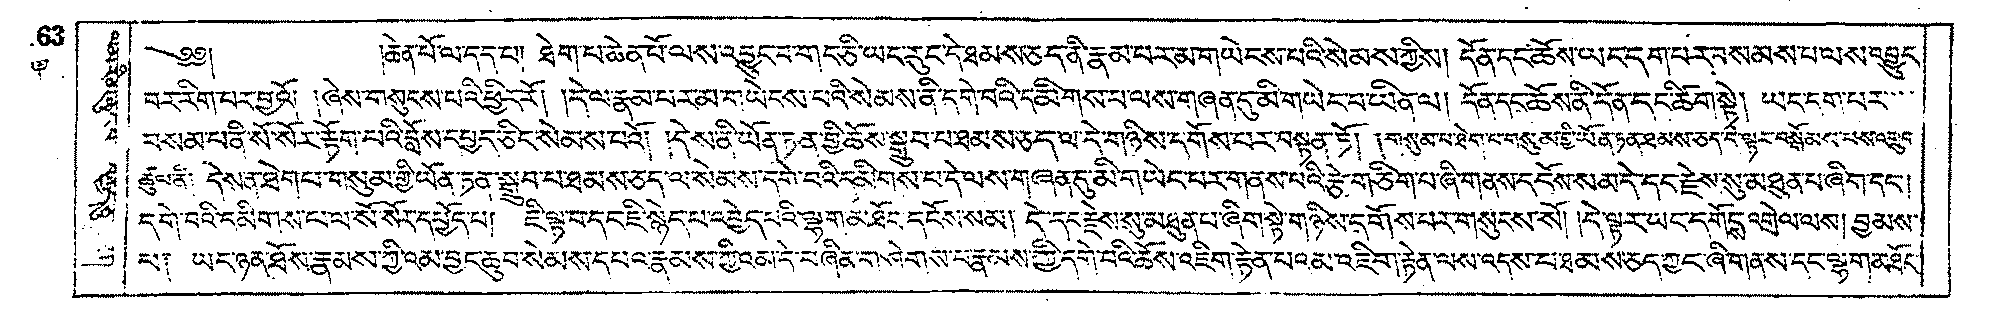༄༅། །ཆེན་པོ་ལ་དད་པ། ཐེག་པ་ཆེན་པོ་ལས་འབྱུང་བ་གང་ཅི་ཡང་རུང་དེ་ཐམས་ཅད་ནི་རྣམ་པར་མ་གཡེངས་པའི་སེམས་ཀྱིས། དོན་དང་ཆོས་ཡང་དག་པར་བསམས་པ་ལས་འབྱུང་
བར་རིག་པར་བྱའོ། །ཞེས་གསུགནས་པའི་ཕྱིར་རོ། །དེ་ལ་རྣམ་པར་མ་གཡེངས་པའི་སེམས་ནི་དགེ་བའི་དམིགས་པ་ལས་གཞན་དུ་མི་གཡེང་བ་ཡིན་ལ། དོན་དང་ཆོས་ནི་དོན་དང་ཚིག་སྟེ། ཡང་དག་པར་
བསམ་པ་ནི་སོ་སོར་རྟོག་པའི་བློས་དཔྱད་ཅིང་སེམས་པའོ། །དེས་ནི་ཡོན་ཏན་གྱི་ཆོས་སྒྲུབ་པ་ཐམས་ཅད་ལ་དེ་གཉིས་དགོས་པར་བསྟན་ཏོ། །གསུམ་པ་ཐེག་པ་གསུམ་གྱི་ཡོན་ཏན་ཐམས་ཅད་དེ་ལྟར་བསྒོམས་པས་འགྲུབ་
ཚུལ་ནི། དེས་ན་ཐེག་པ་གསུམ་གྱི་ཡོན་ཏན་སྒྲུབ་པ་ཐམས་ཅད་ལ་སེམས་དགེ་བའི་དམིགས་པ་དེ་ལས་གཞན་དུ་མི་གཡེང་པར་གནས་པའི་རྩེ་གཅིག་པ་ཞི་གནས་དངོས་སམ་དེ་དང་རྗེས་སུ་མཐུན་པ་ཞིག་དང་།
དགེ་བའི་དམིགས་པ་ལ་སོ་སོར་དཔྱོད་པ། ཇི་ལྟ་བ་དང་ཇི་སྙེད་པ་འབྱེད་པའི་ལྷག་མཐོང་དངོས་སམ། དེ་དང་རྗེས་སུ་མཐུན་པ་ཞིག་སྟེ་གཉིས་དགོས་པར་གསུངས་སོ། །དེ་ལྟར་ཡང་དགོངས་འགྲེལ་ལས། བྱམས་
པ༑ ཡང་ཉན་ཐོས་རྣམས་ཀྱི་འམ་བྱང་ཆུབ་སེམས་དཔའ་རྣམས་ཀྱི་འམ་དེ་བཞིན་གཤེགས་པ་རྣམས་ཀྱི་དགེ་བའི་ཆོས་འཇིག་རྟེན་པའམ་འཇིག་རྟེན་ལས་འདས་པ་ཐམས་ཅད་ཀྱང་ཞི་གནས་དང་ལྷག་མཐོང་